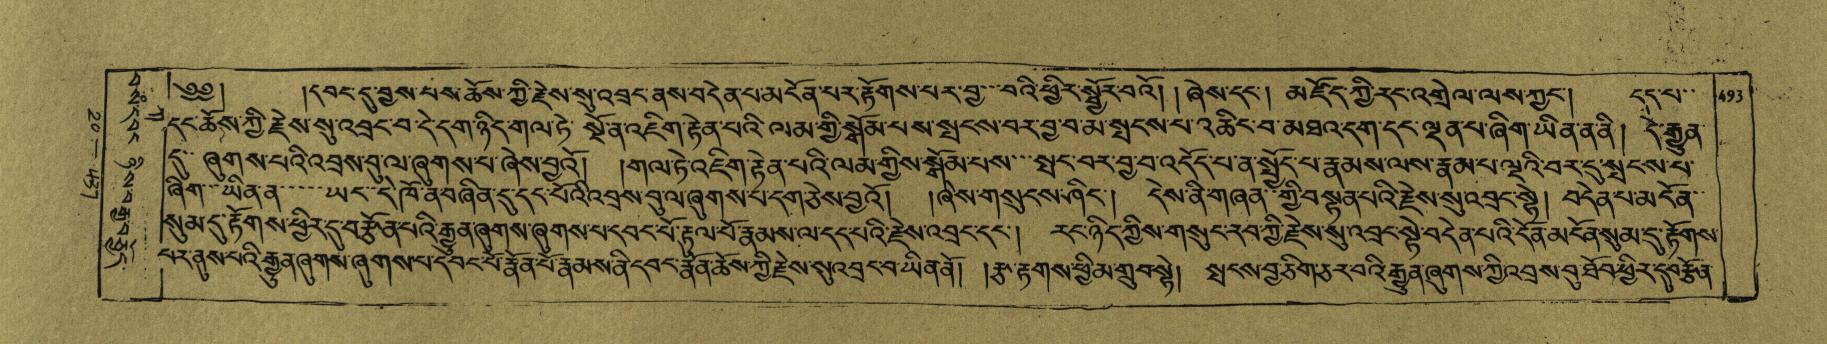༄༅། །དབང་དུ་བྱས་པས་ཆོས་ཀྱི་རྗེས་སུ་འབྲང་ནས་བདེན་པ་མངོན་པར་རྟོགས་པར་བྱ་བའི་ཕྱིར་སྦྱོར་བའོ། །ཞེས་དང་། མཛོད་ཀྱི་རང་འགྲེལ་ལས་ཀྱང་། དད་པ་
དང་ཆོས་ཀྱི་རྗེས་སུ་འབྲང་བ་དེ་དག་ཉིད་གལ་ཏེ་སྔོན་འཇིག་རྟེན་པའི་ལམ་གྱི་སྒོམ་པས་སྤངས་བར་བྱ་བ་མ་སྤངས་པ་འཆིང་བ་མཐའ་དག་དང་ལྡན་པ་ཞིག་ཡིན་ན་ནི། དེ་རྒྱུན་
དུ་ཞུགས་པའི་འབྲས་བུ་ལ་ཞུགས་པ་ཞེས་བྱའོ། །གལ་ཏེ་འཇིག་རྟེན་པའི་ལམ་གྱིས་སྒོམ་པས་སྤང་བར་བྱ་བ་འདོད་པ་ན་སྤྱོད་པ་རྣམས་ལས་རྣམ་པ་ལྔའི་བར་དུ་སྤངས་པ་
ཞིག་ཡིན་ན་ཡང་དེ་ཁོ་ན་བཞིན་དུ་དང་པོའི་འབྲས་བུ་ལ་ཞུགས་པ་དག་ཅེས་བྱའོ། །ཞེས་གསུངས་ཤིང་། དེས་ནི་གཞན་གྱི་བསྟན་པའི་རྗེས་སུ་འབྲང་སྟེ། བདེན་པ་མངོན་
སུམ་དུ་རྟོགས་ཕྱིར་དུ་བརྩོན་པའི་རྒྱུན་ཞུགས་ཞུགས་པ་དབང་པོ་རྟུལ་པོ་རྣམས་ལ་དད་པའི་རྗེས་འབྲང་དང་། རང་ཉིད་ཀྱིས་གསུང་རབ་ཀྱི་རྗེས་སུ་འབྲང་སྟེ་བདེན་པའི་དོན་མངོན་སུམ་དུ་རྟོགས་
པར་ནུས་པའི་རྒྱུན་ཞུགས་ཞུགས་པ་དབང་པོ་རྣོན་པོ་རྣམས་ནི་དབང་རྣོན་ཆོས་ཀྱི་རྗེས་སུ་འབྲང་བ་ཡིན་ནོ། །རྩ་རྟགས་ཕྱི་མ་གྲུབ་སྟེ། སྤངས་བྱ་ཅིག་ཅར་བའི་རྒྱུན་ཞུགས་ཀྱི་འབྲས་བུ་ཐོབ་ཕྱིར་དུ་བརྩོན་